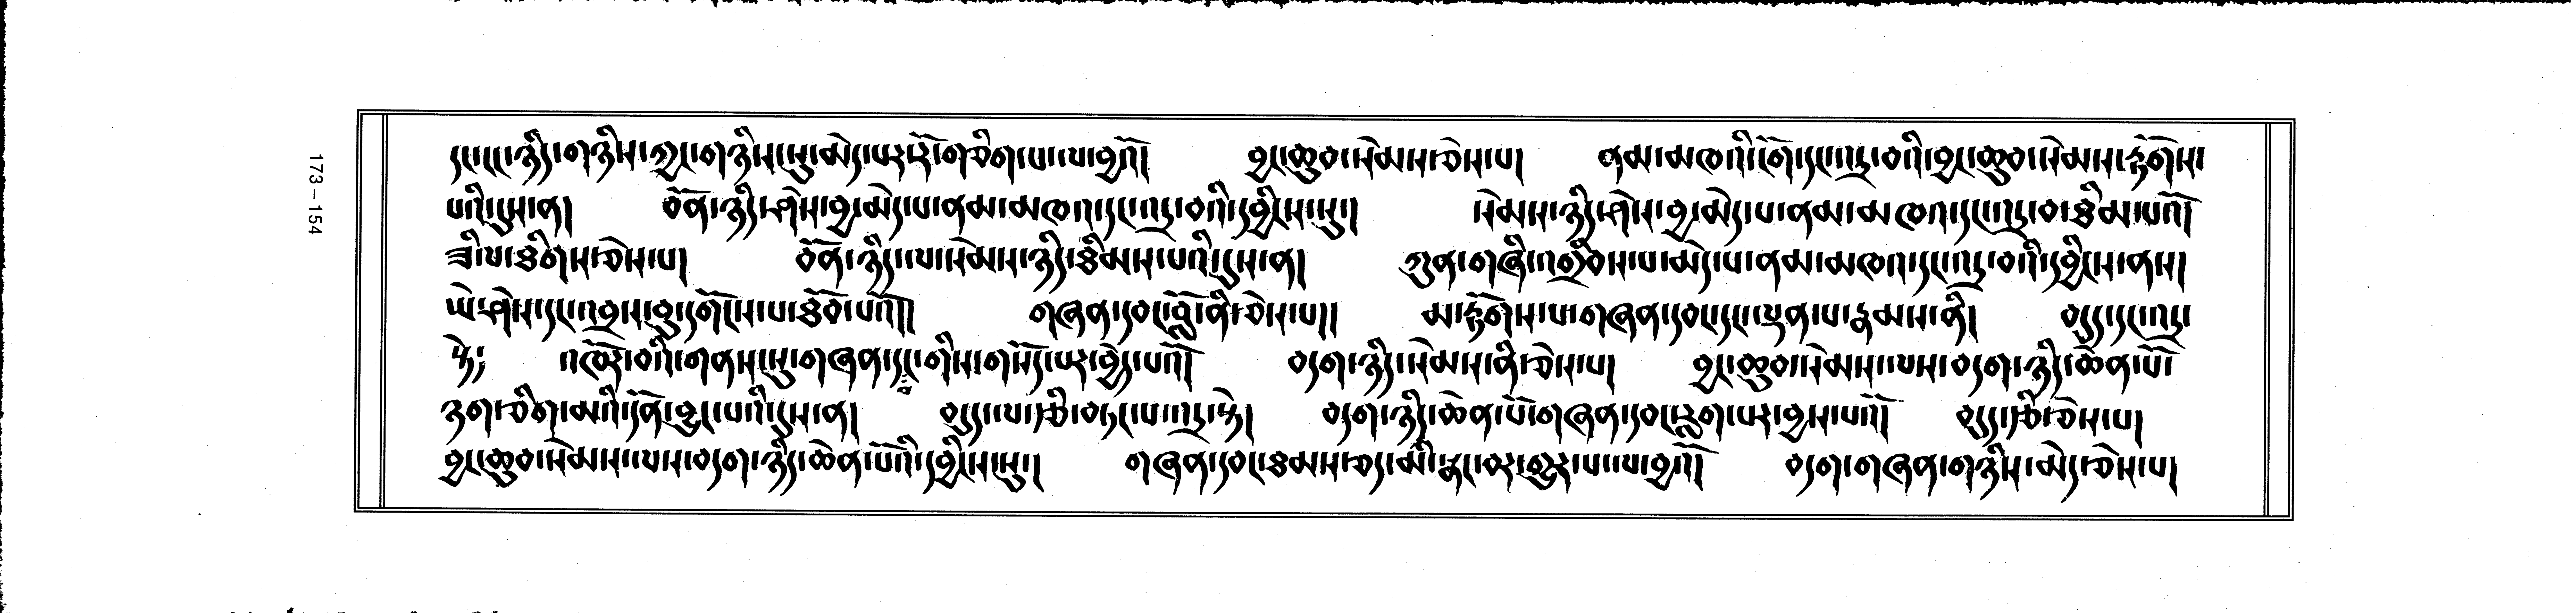ངང་ཉིད་གཉིས་ཀྱང་གཉིས་སུ་མེད་པར་རོ་གཅིག་པ་ལ་བྱའོ། །བྱང་ཆུབ་ཀྱི་སེམས་ཅེས་པ། ནམ་མཁའི་ངོགས་དང་འདྲ་བའི་བྱང་ཆུབ་སེམས་རྟོགས་
པའི་དུས་ན། བོན་ཉིད་ཤེས་བྱ་མེད་པ་ནམ་མཁའ་དང་འདྲ་བའི་དབྱིངས་སུ། སེམས་ཉིད་ཤེས་བྱ་མེད་པ་ནམ་མཁའ་དང་འདྲ་བ་ཐིམ་པའོ། །
ཟིལ་ཐིགས་ཅེས་པ། བོན་ཉིད་ལ་སེམས་ཉིད་ཐིམ་པའི་དུས་ན། ཀུན་གཞི་འགྲིབ་པ་མེད་པ་ནམ་མཁའ་དང་འདྲ་བའི་དབྱིངས་ནས། 
ཡེ་ཤེས་དང་དགོངས་པ་འབྲས་བུ་ཐོབ་པའོ། །གཞན་དབང་བློ་ནི་ཅེས་པ། མ་རྟོགས་པ་གཞན་དབང་དང་ལྡན་པ་རྣམས་ནི། བདུད་དང་འདྲ་
སྟེ། འཁོར་བའི་གནས་སུ་གཞན་དག་གིས་གསོད་པར་བྱེད་པའོ། །བདག་ཉིད་སེམས་ནི་ཅེས་པ། བྱང་ཆུབ་སེམས་ལས་བདག་ཉིད་ཆེན་པོ་
ཉག་གཅིག་མའི་དོན་བྱུང་བའི་དུས་ན། བདུད་ལ་རྩི་བཏང་བ་དང་འདྲ་སྟེ། བདག་ཉིད་ཆེན་པོ་གཞན་དབང་བརླག་པར་བྱས་པའོ། །བདུད་རྩི་ཅེས་པ་
བྱང་ཆུབ་སེམས་ལས་བདག་ཉིད་ཆེན་པོའི་དབྱིངས་སུ། གཞན་དབང་ཐམས་ཅད་མི་སྣང་བར་གྱུར་པ་ལ་བྱའོ། །བདག་གཞན་གཉིས་མེད་ཅེས་པ།